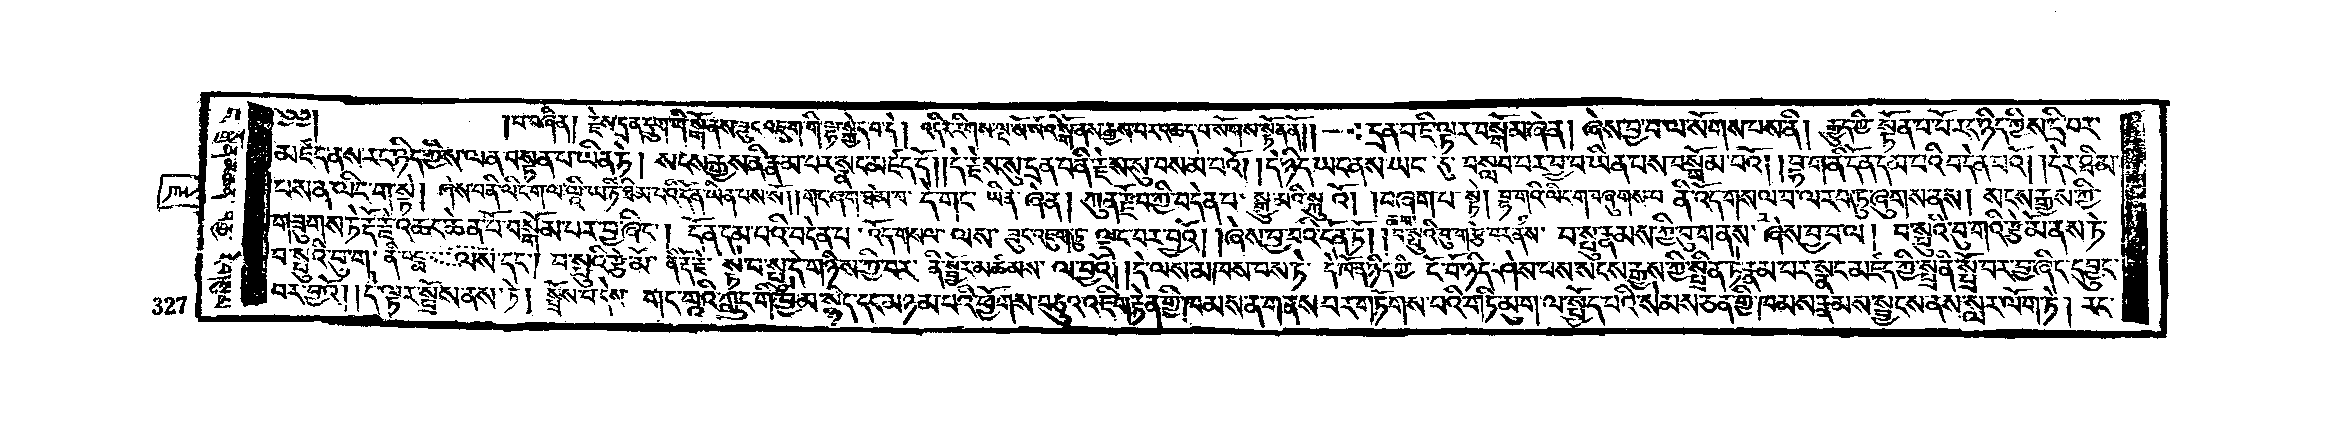༄༅། །པ་བཞིན། རྗེས་དྲན་དྲུག་གི་སྒོ་ནས་ཟུང་འཇུག་གི་ལྷ་སྐྱེད་བ་དེ། འདིར་རིགས་ལྔ་སོ་སོའི་སྒོ་ནས་རྒྱས་པར་འཆད་པ་སོགས་སྟོན་ནོ།། .Hདྲན་པ་ཇི་ལྟར་བསྒོམ་ཞེ་ན། ཞེས་བྱ་བ་ལ་སོགས་པས་ནི། རྒྱུད་ཀྱི་སྟོན་པ་པོ་རང་ཉིད་ཀྱིས་དྲི་བར་
མཛད་ནས་རང་ཉིད་ཀྱིས་ལན་བསྟན་པ་ཡིན་ཏེ། སངས་རྒྱས་ནི་རྣམ་པར་སྣང་མཛད་དོ། །དེ་རྗེས་སུ་དྲན་པ་ནི་རྗེས་སུ་བསམ་པའོ། །དེ་ཉིད་ཡང་ནས་ཡང་དུ་བསླབ་པར་བྱ་བ་ཡིན་པས་བསྒོམ་པའོ། །བྷ་ག་ནི་དོན་དམ་པའི་བདེན་པའོ། །དེར་ཐིམ་
པས་ན་ལིང་ག་སྟེ། ཞེས་པ་ནི་ལིང་ག་ལ་ལཱི་ཡ་ཏི་ཐིམ་པའི་དོན་ཡིན་པས་སོ། །གང་ཞིག་ཐིམ་པ་དེ་གང་ཡིན་ཞེ་ན། ཀུན་རྫོབ་ཀྱི་བདེན་པ་སྒྱུ་མའི་སྐུའོ།  །བཞག་པ་སྟེ། བྷ་གའི་ལིང་ག་བཞུགས་པ་ནི་འོད་གསལ་བ་ལ་རབ་ཏུ་ཞུགས་ནས། སངས་རྒྱས་ཀྱི་
གཟུགས་ཏེ་རྡོ་རྗེ་འཆང་ཆེན་པོ་བསྒོམ་པར་བྱ་ཞིང་། དོན་དམ་པའི་བདེན་པ་འོད་གསལ་ལས་ཟུང་འཇུག་ཏུ་ལྡང་བར་བྱའོ། །ཞེས་བྱ་བའི་དོན་ཏོ། ། ཆག་བ་སྤུའི་བུ་ག་རྩེ་བར ༡་ནས་བ་སྤུ་རྣམས་ཀྱི་བུ་ག་ནས ༢་ཞེས་བྱ་བ་ལ། བ་སྤུའི་བུ་གའི་རྩེ་མོ་ནས་ཏེ་
བ་སྤུའི་བུ་ག་ནི་པདམ་ལས་དང་། བ་སྤུའི་རྩེ་མོ་ནི་རྡོ་རྗེ་སྟེ་བ་སྤུ་དེ་གཉིས་ཀྱི་བར་ནི་སྦྱོར་མཚམས་ལ་བྱའོ། །དེ་ལས་མཁས་བས་ཏེ་དེ་ཁོ་ན་ཉིད་ཀྱི་ངོ་བོ་ཉིད་ཤེས་པས་སངས་རྒྱས་ཀྱི་སྤྲིན་ཏེ་རྣམ་པར་སྣང་མཛད་ཀྱི་སྤྲ་ནི་སྤྲོ་བར་བྱ་ཞིང་དབྱུང་
བར་བྱའོ། །དེ་ལྟར་སྤྲོས་ནས་ཏེ། སྤྲོས་པ་དེས་གང་གཱའི་ཀླུང་གི་བྱེ་མ་སྙད་དང་མཉམ་པའི་ཕྱོགས་བཅུའི་འཇིག་རྟེན་གྱི་ཁམས་ན་གནས་པར་གཏོགས་པའི་གཏི་མུག་ལ་སྤྱོད་པའི་སེམས་ཅན་གྱི་ཁམས་རྣམས་སྦྱངས་ནས་སླར་ལོག་ཏེ། རང་